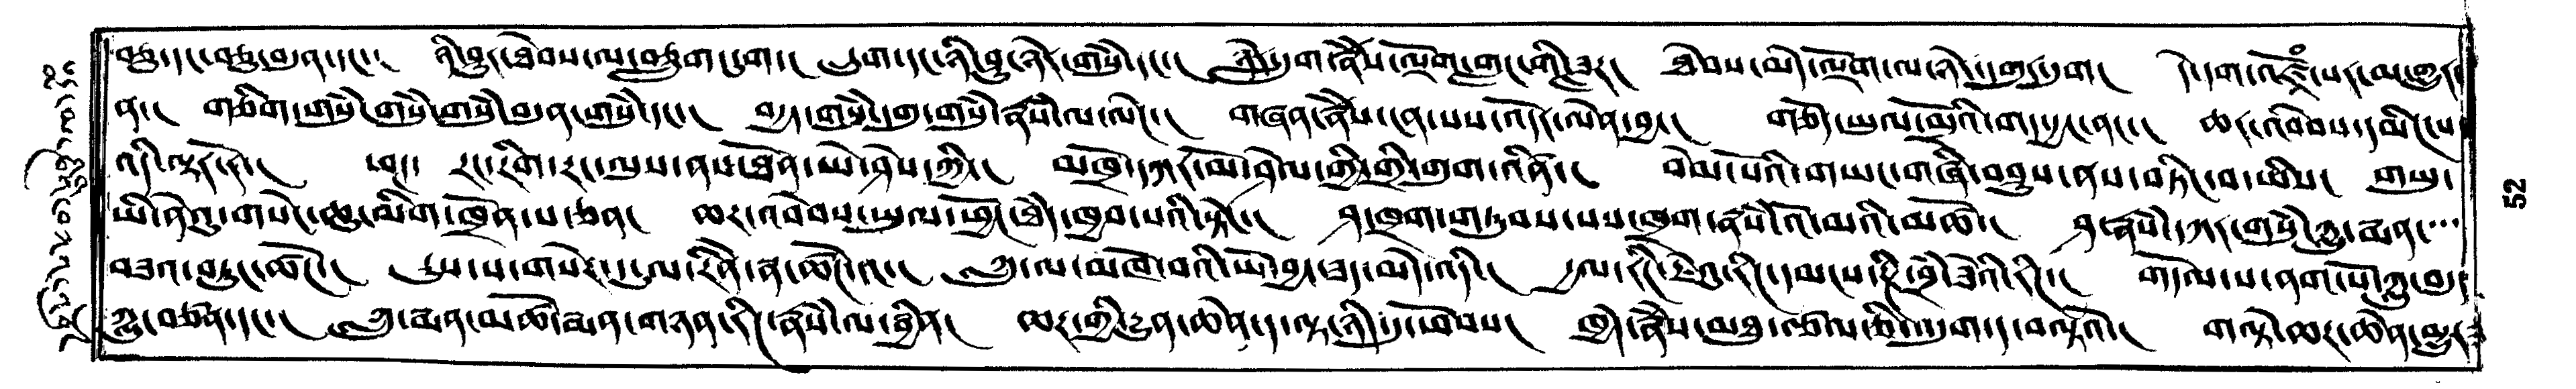བཅུ་དང་བཅུ་བདུན་དང་། ཉི་ཤུར་ཐེབས་ལ་བཅུ་དྲུག་དུག དྲུག་དང་ཉི་ཤུ་ཉེར་གསུམ་དང་། ཉེར་དྲུག་རྣམས་ལྡོག་གླང་གི་ཟླར། ཐེབས་མེད་ལྡོག་ལ་ཉེར་དགུར་དུག དེ་དག་འཛོམ་སར་མ་གྱུར་
ན། གཅིག་གསུམ་གསུམ་གསུམ་བདུན་གསུམ་དང་། བརྒྱད་གསུམ་དགུ་གསུམ་རྣམས་ལ་ལེགས། གཞན་རྣམས་ངན་པས་འདོད་ལེན་བྱ། གཅོད་ཡུལ་མཁའ་འགྲོའི་གད་རྒྱང་ནང་། ཆར་འབེབས་དམིགས་པ་
འདི་ལྟར་རོ། ཕཊ། རང་རིག་རང་ལུས་ནས་ཐོན་ཡེ་ཤེས་ཀྱི། མཁའ་འགྲོ་དཀར་མོ་ཤེལ་གྱི་གྲི་གུག་འཛིན།བེམ་པོའི་གཡང་གཞི་བཤུས་ནས་བཏིང་བ་ཡིས། གཡུ་
ཡི་ནེའུ་གསེང་ཆུ་མིག་ཁྲོན་པ་ཅན། ཆར་འབེབས་ཡུལ་ཕྱོགས་ཐམས་ཅད་ཁྱབ་པའི་སྟེང་། ཤ་ཁྲག་གཏུབས་པས་ཁྲག་རྣམསའོ་མའི་མཚོ། ཤ་རྣམས་དཀར་གསུམ་ཀླུ་སྨན་
བཟའ་བཏུང་ཚོགས། དུས་པ་གསེར་དངུལ་རིན་ཆེན་སྣ་ཚོགས་དང་། ཀླུ་ལ་མཁོ་བའི་ཡོ་བྱད་ཟད་མེད་འདི། རྒྱལ་རིགས་རྗེའུ་རིགས་དམངས་རིགས་བྲམ་ཟེའི་རིགས། གདོལ་པ་ནག་པོ་ཀླུ་བདུད་
ཀླུ་བཙན་དང་། ཀླུ་སྨན་མཚོ་སྨན་གཉན་རིགས་རྣམས་ལ་སྦྱིན། ཆར་གྱི་རྒྱུན་ཆེན་ད་ལྟ་ཉིད་དུ་ཕོབས། ཁྱེད་རྣམས་མཐུ་རྩལ་ཅི་འདུག་ད་བལྟའོ། གལ་ཏེ་ཆར་ཆེན་མྱུར་